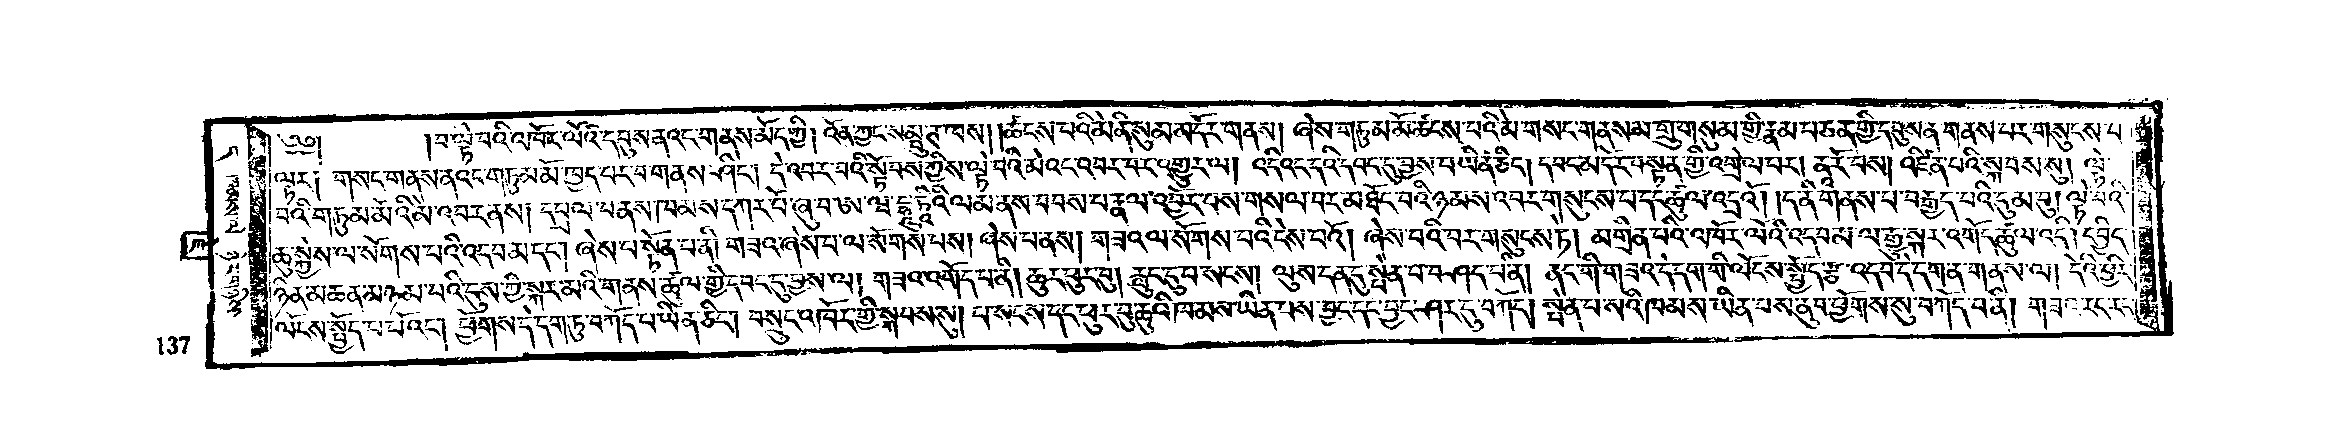༄༅། །བ་ལྟེ་བའི་འཁོར་ལོའི་དབུས་ནའང་གནས་མོད་ཀྱི། འོན་ཀྱང་སམྦུ་ཊ་ཁས། ?་།ཚངས་པའི་མེ་ནི་སུམ་མདོར་གནས། ཞེས་གཏུམ་མོ་ཚངས་པའི་མེ་གསང་གནས་མ་གྲུ་གསུམ་གྱི་རྣམ་པ་ཅན་གྱི་དབུས་ན་གནས་པར་གསུངས་པ་
ལྟར། གསང་གནས་ནའང་གཏུམ་མོ་ཁྱད་པར་བ་གནས་ཤིང་། དེ་འབར་བའི་སྟོབས་ཀྱིས་ལྟེ་བའི་མེའང་འབར་བར་འགྱུར་ལ། འདིའང་དའི་དབང་དུ་བྱས་པ་ཡིན་ཅིང་། དབང་མདོར་བསྟན་གྱི་འགྲེལ་པར། ནཱ་རོ་བས། འཛིན་པའི་སྐབས་སུ། ལྟེ་
བའི་གཏུམ་མོའི་མེ་འབར་ནས། དཔྲལ་བ་ནས་ཁམས་དཀར་པོ་ཞུ་བ་ཨ་ཝ་དྷཱུ་ཏཱིའི་ལམ་ནས་བབས་པ་རྣལ་འབྱོར་པས་གསལ་བར་མཐོང་བའི་ཉམས་འབར་གསུངས་པ་དང་ཚུལ་འདྲའོ། །ད་ནི་གནས་པ་བརྒྱད་པའི་དུམ་བུ། ལྟེ་བའི་
ཆུ་སྐྱེས་ལ་སོགས་པའི་འདབ་མ་དང་། ཞེས་པ་སྟོན་པ་ནི། གཟའ་ཞེས་པ་ལ་སོགས་པས། ཞེས་པ་ནས། གཟའ་ལ་སོགས་པའི་ངེས་པའོ། ཞེས་པའི་བར་གསུངས་ཏེ། མགྲིན་པའི་འཁོར་ལོའི་འདབ་མ་ལ་རྒྱུ་སྐར་འགོད་ཚུལ་འདི། དབྱིད་
ཉིན་མཚན་མཉམ་པའི་དུས་ཀྱི་སྐར་མའི་གནས་ཚུལ་གྱི་དབང་དུ་བྱས་ལ། གཟའ་འགོད་པ་ནི། ཆུར་ཕུར་བུ། རླུང་དུ་བ་སངས། ལུས་དན་དུ་སྤེན་པ་བཤད་པ་ནི། ནང་གི་གཟའ་དེ་དག་གི་ལོངས་སྤྱོད་རྩ་འདབ་དེ་དག་ན་གནས་ལ། དེའི་ཕྱིར་
ལོངས་སྤྱོད་པ་པོའང་། ཕྱོགས་དེ་དག་ཏུ་བཀོད་པ་ཡིན་ཅིང་། བསྲུང་འཁོར་གྱི་སྐབས་སུ། པ་སངས་དང་ཕུར་བུ་ཆུའི་ཁམས་ཡིན་པས་བྱང་དང་བྱང་ཤར་དུ་བཀོད། སྤེན་པ་སའི་ཁམས་ཡིན་པས་ནུབ་ཕྱོགས་སུ་བཀོད་པ་ནི། གཟའ་རང་རང་